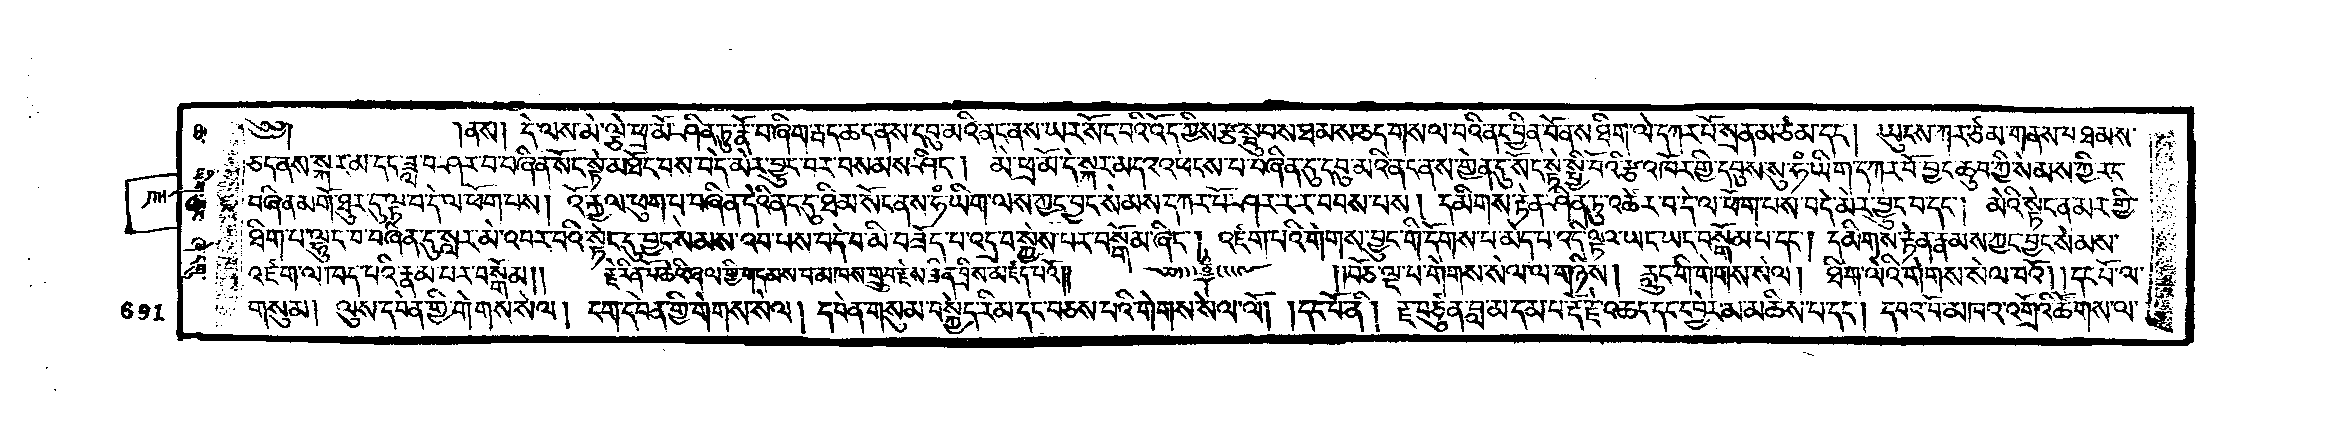༄༅། །ནས། དེ་ལས་མེ་ལྕེ་ཕྲ་མོ་ཤིན་ཏུ་རྣོ་བ་ཞིག་རྦད་ཆད་ནས་དབུ་མའི་ནང་ནས་ཡར་སོང་བའི་འོད་ཀྱིས་རྩ་སྦུབས་ཐམས་ཅད་གསལ་བའི་ནང་བྱིན་པོ་ནས་ཐིག་ལེ་དཀར་པོ་སྲན་མ་ཙམ་དང་། ཡུངས་ཀར་ཙམ་གནས་པ་ཐམས་
ཅད་ནས་སྐར་མ་དང་ཟླ་བ་ཤར་བ་བཞིན་སོང་སྟེ་མཐོང་བས་བདེ་མེར་བྱུང་བར་བསམས་ཤིང་། མེ་ཕྲ་མོ་དེ་སྐར་མདའ་འཕངས་པ་བཞིན་དུ་དབུ་མའི་ནང་ནས་གྱེན་དུ་སོང་སྟེ་སྤྱི་བོའི་རྩ་འཁོར་གྱི་དབུས་སུ་ཧཾ་ཡིག་དཀར་པོ་བྱང་ཆུབ་ཀྱི་སེམས་ཀྱི་རང་
བཞིན་མགོ་ཐུར་དུ་ལྟ་བ་དེ་ལ་ཕོག་པས། འོ་རྒྱལ་ཕུག་པ་བཞིན་དེའི་ནང་དུ་ཐིམ་སོང་ནས་ཧཾ་ཡིག་ལས་ཀྱང་བྱང་སེམས་དཀར་པོ་ཤར་ར་ར་བབས་པས། དམིགས་རྟེན་ཤིན་ཏུ་འཚེར་བ་དེ་ལ་ཕོག་པས་བདེ་མེར་བྱུང་བ་དང་། མེའི་སྟེང་ན་མར་གྱི་
ཐིག་པ་ལྷུང་བ་བཞིན་དུ་སླར་མེ་འབར་པའི་སྟེང་དུ་བྱང་སེམས་འབ་པས་བདེ་བ་མི་བཟོད་པ་འདྲ་བ་སྐྱེས་པར་བསྒོམ་ཞིང་། འཛག་པའི་གེགས་བྱུང་གི་དོགས་པ་མེད་པ་འདི་ལྟའ་ཡང་ཡང་བསྒོམ་པ་དང་། དམིགས་རྟེན་རྣམས་ཀྱང་བྱང་སེམས་
འཛག་ལ་ཁད་པའི་རྣམ་པར་བསྒོམ། རྗེ་རིན་པོ་ཆེའི་ཞལ་གྱི་གདམས་པ་མཁས་གྲུབ་རྗེས་ཟིན་བྲིས་མཛད་པའོ།། ༈ །།བཅོ་ལྔ་པ་གེགས་སེལ་ལ་གཉིས། རླུང་གི་གེགས་སེལ། ཐིག་ལེའི་གེགས་སེལ་བའོ། །དང་པོ་ལ་
གསུམ། ལུས་དབེན་གྱི་གེགས་སེལ། ངག་དབེན་གྱི་གེགས་སེལ། དབེན་གསུམ་བསྐྱེད་རིམ་དང་བཅས་པའི་གེགས་སེལ་ལོ། །དང་པོ་ནི། རྗེ་བཙུན་བླ་མ་དམ་པ་རྡོ་རྗེ་འཆང་དང་དབྱེར་མ་མཆིས་པ་དང་། དབའ་བོ་མཁའ་འགྲོའི་ཚོགས་ལ་